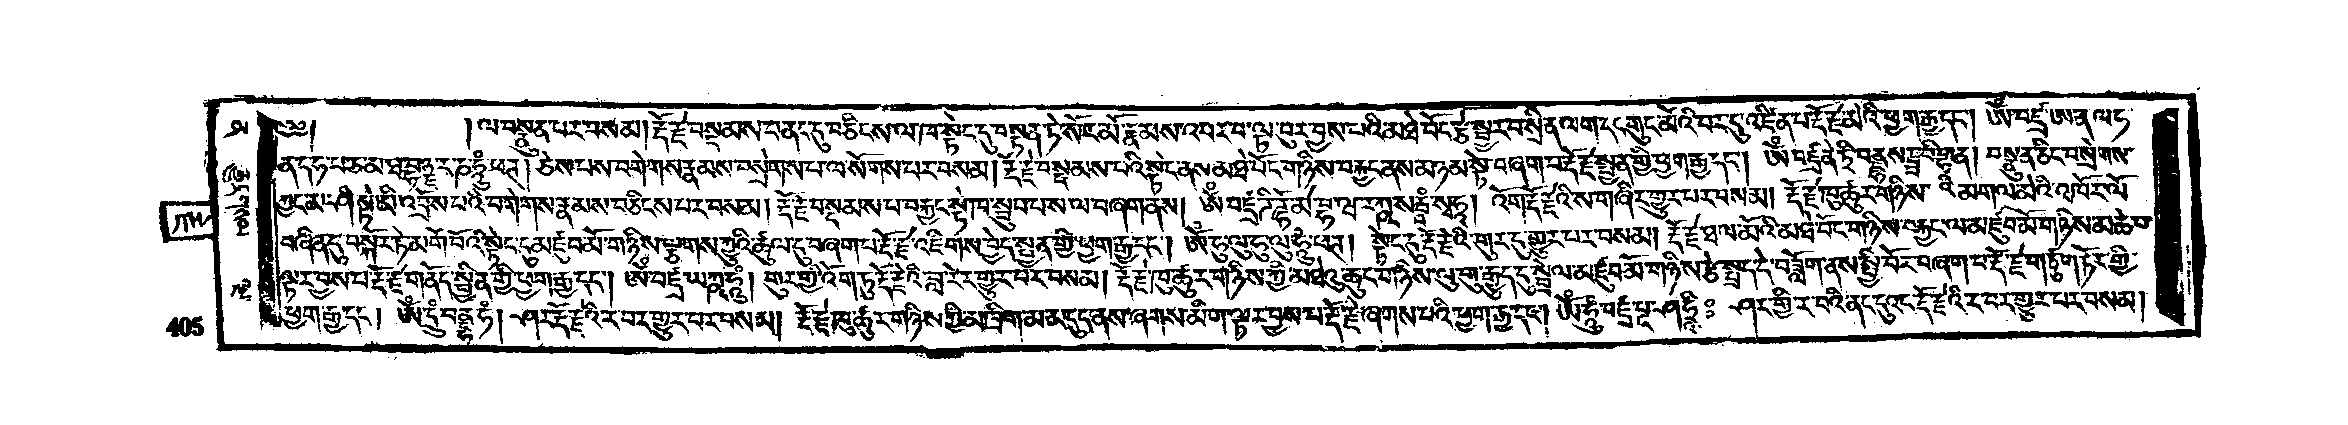༄༅། །ལ་བསྣུན་པར་བསམ། རྡོ་རྗེ་བསྡམས་པ་ནང་དུ་བཅིངས་ལ་ཁ་སྟེང་དུ་བསྟན་ཏེ་སོར་མོ་རྣམས་འབར་བ་ལྟ་བུར་བྱས་པའི་མཐེ་བོང་རྩེ་སྦྱར་བ་སྲིན་ལག་དང་གུང་མོའི་བར་དུ་འཛིན་པ་རྡོ་རྗེ་མེའི་ཕྱག་རྒྱ་དང་། ཨོཾ་བཛྲ་ཨ་ན་ལ་ཧ་
ན་ད་ཧ་པ་ཅ་མ་ཐ་བྷ་ཉྫ་ར་ཎ་ཧཱུཾ་ཕཊ། ཅེས་པས་བགེགས་རྣམས་བསྲེགས་པ་ལ་སོགས་པར་བསམ། རྡོ་རྗེ་བསྡམས་པའི་སྟེང་ནས་མཐེ་བོང་གཉིས་བརྐྱང་ནས་མཉམ་སྟེ་བཞག་པ་རྡོ་རྗེ་སྤྱན་གྱི་ཕྱག་རྒྱ་དང་། ཨོཾ་བཛྲ་ནཻ་དྲི་བནྷ་སརྦབ་བིགྷཱན། བསྣུན་ཅིང་བསྲེགས་
ཀྱང་མ་ཤི་སྟེ་མི་འབྲོས་པའི་བགེགས་རྣམས་བཅིངས་པར་བསམ། རྡོ་རྗེ་བསྡམས་པ་བརྐྱང་སྟེ་ཁ་སྦུབ་པ་ས་ལ་བཞག་ནས། ཨོཾ་བཛྲ་ཌི་དྷོ་མེ་བྷ་ཝ་རཀྵ་སརྦཱཾ་སྭཱཧཱ། འོག་རྡོ་རྗེའི་ས་གཞིར་གྱུར་པར་བསམ། རྡོ་རྗེ་ཁུ་ཚུར་གཉིས་མགལ་མེའི་འཁོར་ལོ་
བཞིན་དུ་བསྐོར་ཏེ་མགོ་བོའི་སྟེང་དུ་མཛུབ་མོ་གཉིས་ལྕགས་ཀྱུའི་ཚུལ་དུ་བཞག་པ་རྡོ་རྗེ་འཇིགས་བྱེད་སྤྱན་གྱི་ཕྱག་རྒྱ་དང་། ཨོཾ་ཧུ་ལུ་ཧུ་ལུ་ཧཱུཾ་ཕཊ། སྟེང་དུ་རྡོ་རྗེའི་གུར་དུ་གྱུར་པར་བསམ། རྡོ་རྗེ་ཐལ་མོའི་མཐེ་བོང་གཉིས་བརྐྱང་ལ་མཛུབ་མོ་གཉིས་མཆེ་བ་
ལྟར་བྱས་པ་རྡོ་རྗེ་གནོད་སྦྱིན་གྱི་ཕྱག་རྒྱ་དང་། ཨོཾ་བཛྲ་ཡཀྵ་ཧཱུཾ། གུ་གྱི་འོག་ཏུ་རྡོ་རྗེའི་བླ་རེར་གྱུར་པར་བསམ། རྡོ་རྗེ་ཁུ་ཚུར་གཉིས་ཀྱི་མཐེའུ་ཆུང་གཉིས་ལུ་གུ་རྱུད་དུ་སྦྲེལ་མཛུབ་མོ་གཉིས་རྩེ་སྤྲད་དེ་བཟློག་ནས་སྤྱི་བོར་བཞག་པ་རྡོ་རྗེ་གཙུག་ཏོར་གྱི་
ཕྱག་རྒྱ་དང་། ཨོཾ་དྲུཾ་བནྡྷ་ཧཾ། ཤར་རྡོ་རྗེའི་ར་བར་གྱུར་པར་བསམ། རྡོ་རྗེ་ཁུ་ཚུར་གཉིས་ཀྱི་མཁྲིག་མ་མདུད་ནས་ཞགས་མིག་ལྟར་བྱས་པ་རྡོ་རྗེ་ཞགས་པའི་ཕྱག་རྒྱ་དང་། ཨོཾ་ཧཱུཾ་བཛྲ་པཱ་ཤ་ཧྲཱིཿ ཤར་གྱི་ར་བའི་ནང་དུའང་རྡོ་རྗེའི་བར་གྱུར་པར་བསམ།